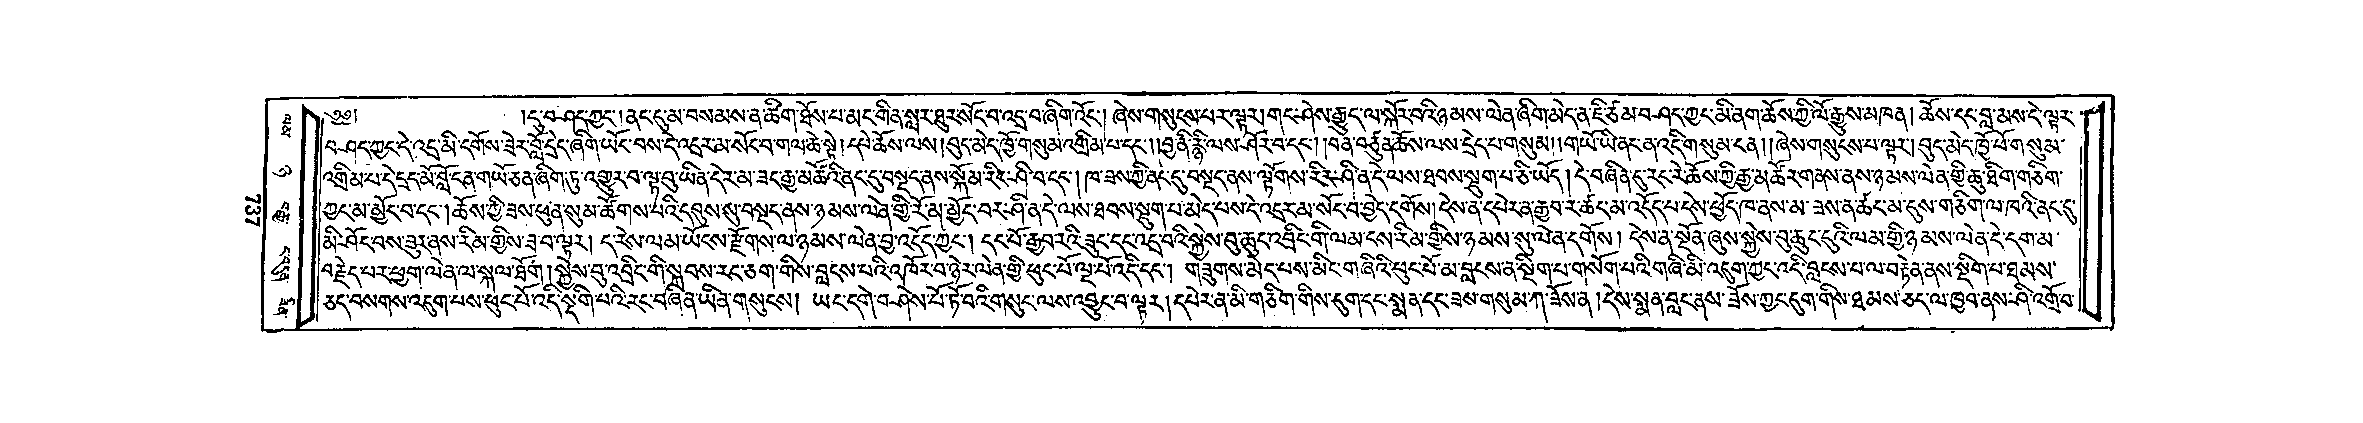༄༅། །དུ་བཤད་ཀྱང་། ནང་དུ་མ་བསམས་ན་ཚིག་ཐོས་པ་མང་གིན་སླར་ཐུར་སོང་བ་འདྲ་བ་ཞིག་འོང་། ཞེས་གསུངས་པར་ལྟར། གང་ཤེས་རྒྱུད་ལ་སྐོར་བའི་ཉམས་ལེན་ཞིག་མེད་ན་ཇི་ཙམ་བཤད་ཀྱང་མི་ནག་ཆོས་ཀྱི་ལོ་རྒྱུས་མཁན། ཆོས་དང་བླ་མས་དེ་ལྟར་
བཤད་ཀྱང་དེ་འདྲ་མི་དགོས་ཟེར་བློ་དྲེད་ཞིག་ཡོང་བས་དེ་འདྲར་མ་སོང་བ་གལ་ཆེ་སྟེ། དཔེ་ཆོས་ལས། བུད་མེད་ཁྱོ་གསུམ་འགྲིམ་པ་དང་། །བྱ་ནི་རྙི་ལས་ཤོར་བ་དང་། །བན་བཙུན་ཆོས་ལས་དྲེད་པ་གསུམ། །གཡོ་ཡི་ནང་ན་འདི་གསུམ་ངན། །ཞེས་གསུངས་པ་ལྟར། བུད་མེད་ཁྱོ་ཕོ་གསུམ་
འགྲིམ་པ་དེ་དྲད་མོ་བློ་ངན་གཡོ་ཅན་ཞིག་ཏུ་འགྱུར་བ་ལྟ་བུ་ཡིན་དེར་མ་ཟད་རྒྱ་མཚོའི་ནང་དུ་བསྡད་ནས་སྐོམ་རིང་ཤི་བ་དང་། ཁ་ཟས་ཀྱི་ནང་དུ་བསྡད་ནས་ལྟོགས་རིར་ཤི་ན་དེ་ལས་ཐབས་སྡུག་པ་ཅི་ཡོད། དེ་བཞིན་དུ་རང་རེ་ཆོས་ཀྱི་རྒྱ་མཚོར་གནས་ནས་ཉམས་ལེན་གྱི་ཆུ་ཐིག་གཅིག་
ཀྱང་མ་མྱོང་བ་དང་། ཆོས་ཀྱི་ཟས་ཕུན་སུམ་ཚོགས་པའི་དབུས་སུ་བསྡད་ནས་ཉམས་ལེན་གྱི་རོ་མ་མྱོང་བར་ཤི་ན་དེ་ལས་ཐབས་སྡུག་པ་མེད་པས་དེ་འདྲར་མ་སོང་བ་བྱེད་དགོས། དེས་ན་དཔེར་ན་རྒྱབ་ར་ཚད་མ་འདོད་པ་དེས་ཕྱོད་ཁ་ནས་མ་ཟས་ན་ཚང་མ་དུས་གཅིག་ལ་ཁའི་ནང་དུ་
མི་ཤོང་བས་ཟུར་ནས་རིམ་གྱིས་ཟ་བ་ལྟར། ད་རེས་ལམ་ཡོངས་རྫོགས་ལ་ཉམས་ལེན་བྱ་འདོད་ཀྱང་། དང་པོ་རྒྱབ་རའི་ཟུང་དང་འདྲ་བའི་སྐྱེས་བུ་ཆུང་འབྲིང་གི་ལམ་ངས་རིམ་གྱིས་ཉམས་སུ་ལེན་དགོས། དེས་ན་སྔོན་ཞུས་སྐྱེས་བུ་ཆུང་ངུའི་ལམ་གྱི་ཉམས་ལེན་དེ་དག་མ་
བརྗེད་པར་ཕྱག་ལེན་ལ་སྐལ་ཐོག །སྐྱེས་བུ་འབྲིང་གི་སྐབས་རང་ཅག་གིས་བླངས་པའི་འཁོར་བ་ཉེར་ལེན་གྱི་ཕུང་པོ་ལྔ་པོ་འདི་དང་། གཟུགས་མེད་པས་མིང་གཞིའི་ཕུང་པོ་མ་བླངས་ན་སྡིག་པ་གསོག་པའི་གཞི་མི་འདུག་ཀྱང་འདི་བླངས་པ་ལ་བརྟེན་ནས་སྡིག་པ་ཐམས་
ཅད་བསགས་འདུག་པས་ཕུང་པོ་འདི་སྡིག་པའི་རང་བཞིན་ཡིན་གསུངས། ཡང་དགེ་བཤེས་པོ་ཏོ་བའི་གསུང་ལས་འབྱུང་བ་ལྟར། དཔེར་ན་མི་གཅིག་གིས་དུག་དང་སྨན་དང་ཟས་གསུམ་ཀ་ཟོས་ན། དེས་སྨན་བླང་ནས་ཟོས་ཀྱང་དུག་གིས་ཐམས་ཅད་ལ་ཁྱབ་ནས་ཤི་འགྲོ་བ་